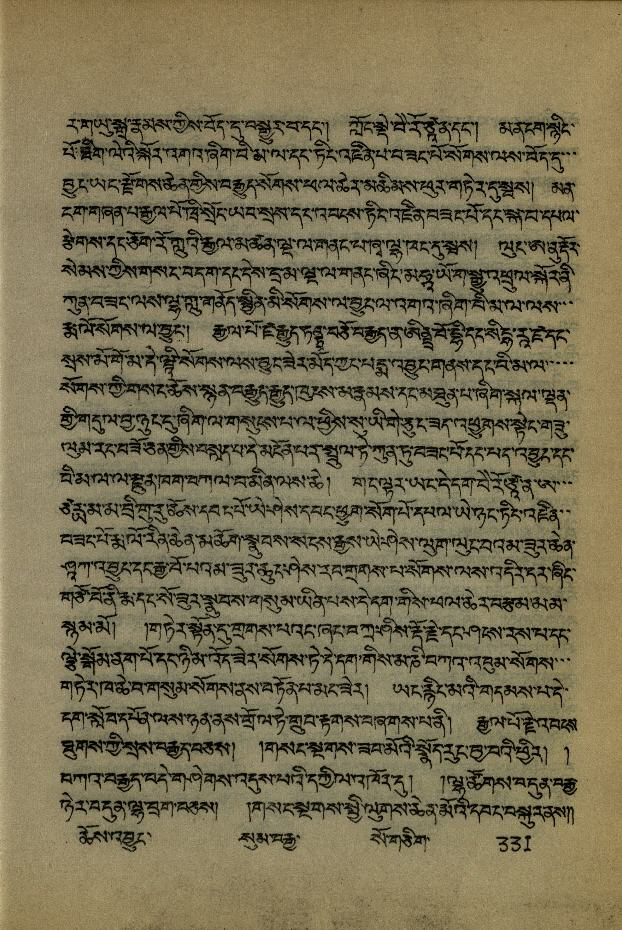ར་གཡུ་སྒྲ་རྣམས་ཀྱིས་བོད་དུ་བསྒྱུར་བ་དང་། ཀློང་སྡེ་བཻ་རོ་ཙཱ་ན་དང་། མན་ངག་སྙིང་
པོ་ཐིག་ལེའི་སྐོར་འགའ་ཞིག་བི་མ་ལ་དང་ཏིང་འཛིན་པ་བཟང་པོ་སོགས་ལས་བོད་དུ་
བྱུང་ཡང་རྫོགས་ཆེན་གྱིས་བརྒྱུད་སོགས་ཕལ་ཆེར་མཆིམས་ཕུར་གཏེར་དུ་སྦས། མན་
ངག་གཞན་པ་རྒྱལ་པོ་ཁྲི་སྲོང་ཡབ་སྲས་དང་འབངས་ཏིང་འཛིན་བཟང་པོ་དང་སྐ་བ་དཔལ་
རྩེགས་དང་ཅོག་རོ་ཀླུའི་རྒྱལ་མཚན་ལྔ་ལ་གནང་པ་ཞྭ་ལྷ་ཁང་དུ་སྦས། ལུང་ཨ་ནུ་རྡོར་
སེམས་ཀྱིས་གསང་བདག་དང་དེས་དྲ་མ་ལྔ་ལ་གནང་ཞིང་མཧཱ་ཡོ་ག་སྒྱུ་འཕྲུལ་སྐོར་ནི་
ཀུན་བཟང་ལས་ལྷ་ཀླུ་གནོད་སྦྱིན་མི་སོགས་ལ་བྱུང་ལ་འགའ་ཞིག་བི་མ་ལ་ལས་
རྨ་ལོ་སོགས་ལ་བྱུང་། རྒྱལ་པོ་ཛ་རྒྱུད་ཏནྟྲ་བཅོ་བརྒྱད་ན་ཨིནྡྲ་བོ་དྷི་དང་སིདྷ་རཱ་ཛ་དང་
སྲས་མོ་གོ་མ་དེ་ཝཱི་སོགས་ལས་བྱུང་ཟེར་མོད་ཀྱང་པདམ་འབྱུང་གནས་དང་བི་མ་ལ་
སོགས་ཀྱི་གསང་ཆོས་སྙན་བརྒྱུད་རྒྱུད་ཁུངས་མ་རྣམས་དང་མཐུན་པ་ཞིག་སྐལ་ལྡན་
གྱི་གདུལ་བྱ་ཉུང་དུ་ཞིག་ལ་གསུངས་པ་ལ་ཕྱིས་སུ་ཡི་གེ་ཅུང་ཟད་འཕྱུགས་སྟེང་གཟུ་
ལུམ་རང་བཟོ་ཅན་གྱིས་བསླད་པ་དེ་མངོན་པར་སྤྲུལ་ཏེ་ཀུན་ཏུ་བཟང་པོ་དང་པད་འབྱུང་དང་
བི་མ་ལ་རྫུན་ཁག་བཀལ་བ་མིན་ལས་ཆེ། གང་ལྟར་ཡང་དེ་དག་བཻ་རོ་ཙཱ་ན་ཨ་
ཙརྱ་མ་ཡ་བྲི་གུ་རུ་ཆོས་དབང་པོ་ཡེ་ཤེས་དང་དབང་ཕྱུག་སོག་པོ་དཔལ་ཡེ་ཉང་ཏིང་འཛིན་
བཟང་པོ་རྨ་ལོ་རིན་ཆེན་མཆོག་སྣུབས་སངས་རྒྱས་ཡེ་ཤེས་ལུག་ལུང་བའམ་ཟུར་ཆེན་
ཤཱཀ་འབྱུང་དང་རྒྱ་བོ་པའམ་ཟུར་ཆུང་ཤེས་རབ་གྲགས་པ་སོགས་ལས་འདིར་དར་ཞིང་
གཙོ་བོ་ནི་རྨ་དང་སོ་ཟུར་སྣུབས་གསུམ་ཡིན་པས་དེ་དག་གིས་ཕལ་ཆེར་བརྩམ་མམ་
སྙམ་མོ། །གཏེར་སྟོན་དུ་གྲགས་པའང་ཞང་བཀྲ་ཤིས་རྡོ་རྗེ་དང་ཤངས་རས་པ་དང་
ལྕེ་སྒོམ་ནག་པོ་དང་ཉི་མ་འོད་ཟེར་སོགས་ཏེ་དེ་དག་གིས་མ་ཎི་བཀའ་འབུམ་སོགས་
གཏེར་ཁ་ཆེ་བ་གསུམ་སོགས་ནས་བཏོན་པ་མང་ཟེར། ཡང་རྙིང་མའི་གདམས་པ་དེ་
དག་སློབ་དཔོན་ལས་ཉན་ནས་གྲོལ་ཏེ་གྲུབ་རྟགས་བཞགས་པ་ནི། རྒྱལ་པོ་རྗེ་འབངས་
ཐུགས་ཀྱི་སྲས་བརྒྱད་བཅས། །གསང་སྔགས་ཟབ་མོའི་སྣོད་རུང་བྱ་བའི་ཕྱིར། །
བཀའ་བརྒྱད་བདེ་གཤེགས་འདུས་པའི་དཀྱིལ་འཁོར་དུ། །ལྷ་ཚོགས་བདུན་བརྒྱ་
ཉེར་བདུན་ལྷ་བྲག་བཅས། །གསང་སྔགས་སྤྱི་ལུགས་ཆེན་མོའི་དབང་བསྐུར་ནས།།